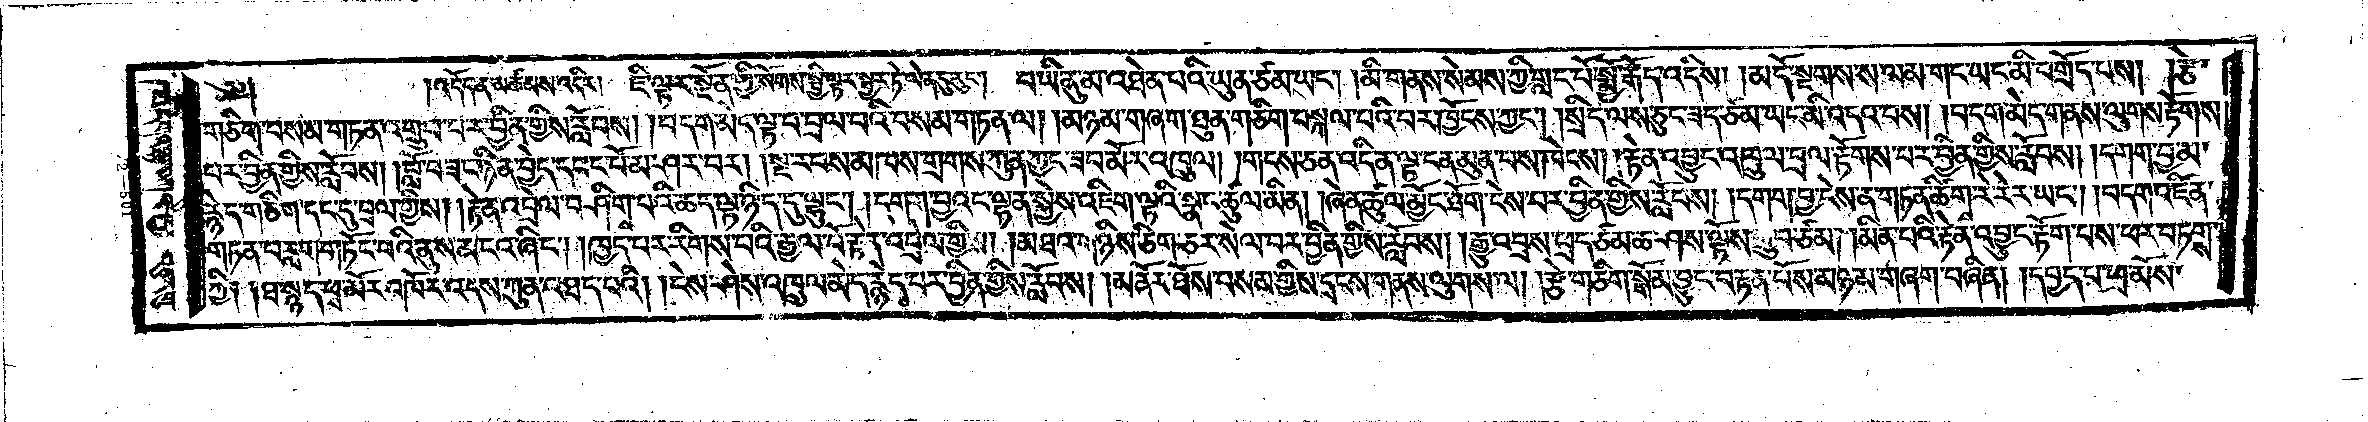༄༅། །འདོད་ན་མཚམས་འདིར༑  ཇི་ལྟར་སྔོན་གྱི་སོགས་སྤྱི་ལྟར་སྦྱར་ཏེ་ལེན་དུ་རུང་། བ་ཡི་ནུ་མ་འཐེན་པའི་ཡུན་ཙམ་ཡང་། །མི་གནས་སེམས་ཀྱི་གླང་པོ་སྨྱོ་རྒོད་འདིས། །མདོ་སྔགས་ས་ལམ་གང་ཡང་མི་བགྲོད་པས། །རྩེ་
གཅིག་བསམ་གཏན་འགྲུབ་པར་བྱིན་གྱིས་རློབས། །བདག་མེད་ལྟ་བ་བྲལ་བའི་བསམ་གཏན་ལ། །མཉམ་གཞག་ཐུན་གཅིག་བསྐལ་པའི་བར་ཁྱོངས་ཀྱང་། །སྲིད་ལས་ཅུང་ཟད་ཙམ་ཡང་མི་འདའ་བས། །བདག་མེད་གནས་ལུགས་རྟོགས་
པར་བྱིན་གྱིས་རློབས། །བློ་བཟང་ཉིན་བྱེད་དབང་པོ་མ་ཤར་བར། །སྔར་རབས་མཁས་གྲགས་ཀུན་ཀྱང་ཟབ་མོར་འཁྲུལ། །གངས་ཅན་འདི་ན་ལྟ་ངན་མུན་པས་ཁེངས། །རྟེན་འབྱུང་འཁྲུལ་བྲལ་རྟོགས་པར་བྱིན་གྱིས་རློབས། །དགག་བྱ་མ་
རྙེད་གཅིག་དང་དུ་བྲལ་གྱིས། །རྟེན་འབྲེལ་བཤིགས་པའི་ཆད་ལྟ་ཉིད་དུ་ལྷུང་། །དགག་བྱའང་ལྷན་སྐྱེས་འཇིག་ལྟའི་སྣང་ཚུལ་མིན། །ཞེན་ཚུལ་མྱོང་ཐོག་ངེས་པར་བྱིན་གྱིས་རློབས། །དགག་བྱ་ངེས་ན་གཏན་ཚིག་རེ་རེར་ཡང་། །བདག་འཛིན་
གཏན་བརླག་གཏོང་བའི་ནུས་མངའ་ཞིང་། །ཁྱད་པར་རིགས་པའི་རྒྱལ་པོ་རྟེན་འབྲེལ་གྱིས། །མཐའ་གཉིས་ཅིག་ཅར་སེལ་བར་བྱིན་གྱིས་རློབས། །རྒྱུ་འབྲས་ཕྲད་ཙམ་ཆ་ཤས་ལྟོས་གྲུབ་ཙམ། །མིན་པའི་རྟེན་འབྱུང་རྟོག་པས་ཕར་བཏགས་
ཀྱི༑ ༑ཐ་སྙད་ཕྲ་མོར་འཁོར་འདས་ཀུན་འཐད་པའི། །ངེས་ཤེས་འཁྲུལ་མེད་རྙེད་པར་བྱིན་གྱིས་རློབས། །མནོར་ཐོས་བསམ་གྱིས་དྲངས་གནས་ལུགས་ལ། །རྩེ་གཅིག་སྒོམ་བྱུང་བརྟན་པོས་མཉམ་གཞག་བཞིན། །དཔྱད་པ་ཕྲ་མོས་